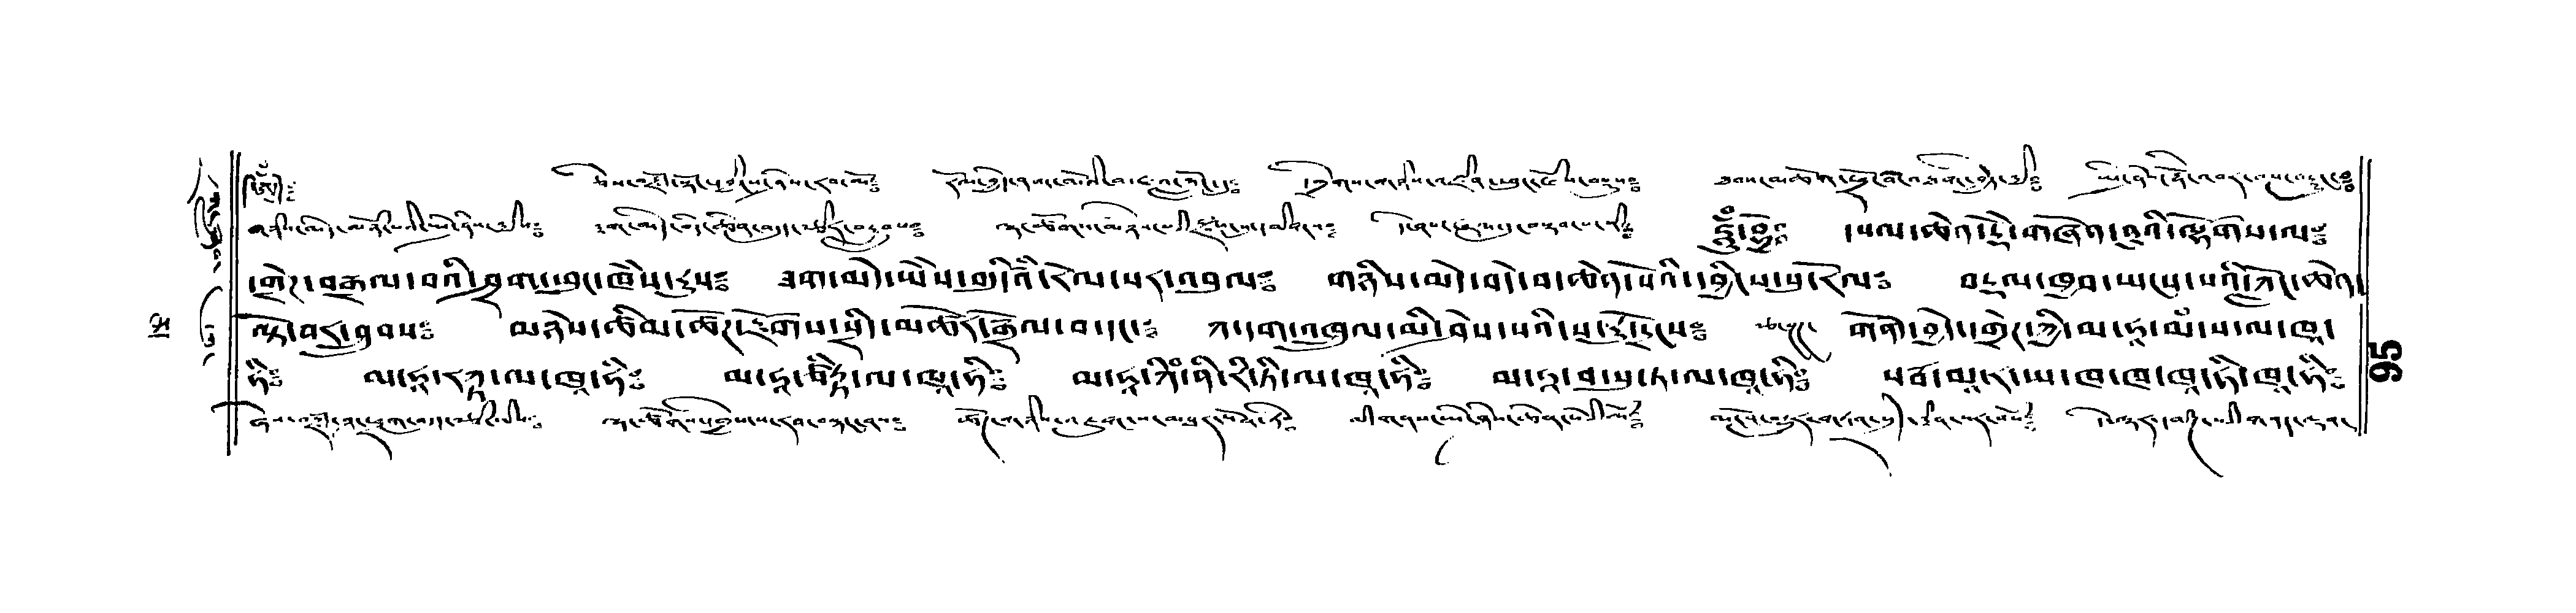ཅེས་བརྗོད་སྟོང་དབྱིངས་ཤེས་རབ་མོ༔ རོལ་བྱེད་ནག་མོའི་མཁའ་ཀློང་དུ༔ དགྲ་བགེགས་གཉིས་འཛིན་ཕུང་ཁམས་བསྡུས༔ ཐབས་མཆོག་ཁྲོ་བོ་འཐག་བྱེད་ཀྱི༔ ཡེ་ཤེས་རྡོ་རྗེ་འབར་བས་བརྡུང༔ 
གཉིས་མེད་མཉམ་པའི་ཡེ་ཤེས་ཀྱིས༔ ཟག་མེད་བདེ་ཆེན་བདུད་རྩིར་བརླབས༔ ལྷ་ཚོགས་མཉེས་པའི་རྫས་སུ་དམིགས༔ དེ་ནས་ཞལ་དུ་བསྟབ་པ་ནི༔ ཧཱུྃ་བྷྱོ༔ དཔལ་ཆེན་རྡོ་རྗེ་གཞོན་ནུའི་ལྷ་ཚོགས་ལ༔ 
དགྲ་བགེགས་བསྒྲལ་བའི་ཤ་ཁྲག་ཕུང་ཁམས་རུས༔ ཟག་མེད་ཡེ་ཤེས་བདུད་རྩིའི་རོལ་པར་འབུལ༔ གཉིས་མེད་བདེ་བ་ཆེན་པོའི་དབྱིངས་སུ་རོལཿ བརྡལ་ཁྱབ་ཡངས་པའི་ཀློང་ཆེན་
ལྟོ་བར་བྲུབས༔ མཉེས་ཚིམ་ཚོགས་རྫོགས་སྲིད་མཚོར་སྒྲོལ་བ་དང༔ ཀ་དག་འཁྲུལ་མི་ཤེས་པའི་ས་རུ་དྲོངས༔ རྩ་སྔགས༔ གནོད་བྱེད་དགྲ་བགེགས་ཀྱི་མ་ཧཱ་མཾ་ས་ལ་ཁཱ་ཧིཿ མ་ཧཱ་རཀྵ་ལ་ཁཱ་
ཧིཿ མ་ཧཱ་ཙིཏྟ་ལ་ཁཱ་ཧིཿ མ་ཧཱ་ཀིཾ་ནི་རི་ཏི་ལ་ཁཱ་ཧིཿ མ་ཧཱ་བ་སུ་ཏ་ལ་ཁཱ་ཧིཿ སརྦ་མཱ་ར་ཡ་ཁ་ཁ་ཁཱ་ཧི་ཁཱ་ཧིཿ 
ཞེས་བརྗོད་ཤ་ཁྲག་བདུད་རྩི་ཡིས༔ ལྷ་ཚོགས་དགྱེས་པ་རབ་བསྐང་ནས༔ ཚོགས་གཉིས་འཇུག་པ་མཐར་སོན་ཏེ༔ མི་གནས་ཡེ་ཤེས་ཆེན་པོའི་ལམ༔ མངོན་གྱུར་གཏན་སྲིད་ཟིན་པར་བསམ༔ དེ་ལྟར་དམིགས་པའི་གནད་ལྡན་